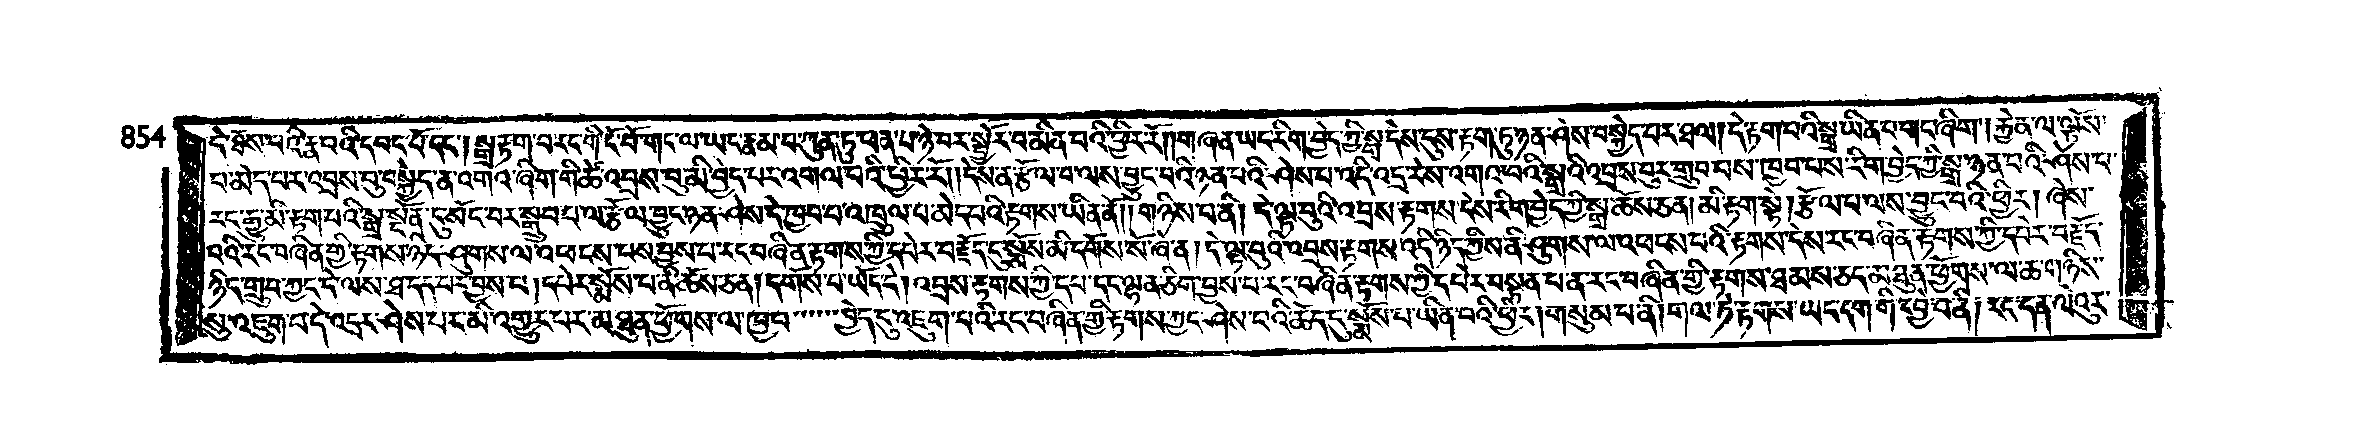དེ་ཐོས་པའི་རྣ་བའི་དབང་པོ་དང་། སྒྲ་རྟག་པ་རང་གི་ངོ་བོ་གང་ལ་ཡང་རྣམ་པ་ཀུན་ཏུ་ཕན་པ་ཉེ་བར་སྦྱོར་བ་མིན་པའི་ཕྱིར་རོ། །གཞན་ཡང་རིག་བྱེད་ཀྱི་སྒྲ་དེས་དུས་རྟག་ཏུ་ཉན་ཤེས་བསྐྱེད་པར་ཐལ། དེ་རྟག་པའི་སྒྲ་ཡིན་པ་གང་ཞིག། རྐྱེན་ལ་ལྟོས་
པ་མེད་པར་འབྲས་བུ་བསྐྱེད་ན་འགའ་ཞིག་གི་ཚེ་འབྲས་བུ་མི་བྱེད་པར་འགལ་བའི་ཕྱིར་རོ། །དེས་ན་རྩོལ་བ་ལས་བྱུང་བའི་ཉན་པའི་ཤེས་པ་འདི་འདྲ་རེས་འགའ་བའི་སྒྲའི་འབྲས་བུར་གྲུབ་པས་ཁྱབ་པས་རིག་བྱེད་ཀྱི་སྒྲ་ཉན་པའི་ཤེས་པ་
རང་རྒྱུ་མི་རྟག་པའི་སྒྲ་སྔོན་དུ་སོང་བར་སྒྲུབ་པ་ལ་རྩོལ་བྱུང་ཉན་ཤེས་དེ་ཁྱབ་པ་འཁྲུལ་བ་མེད་པའི་རྟགས་ཡིན་ནོ། །གཉིས་པ་ནི། དེ་ལྟ་བུའི་འབྲས་རྟགས་དེས་རིགས་བྱེད་ཀྱི་སྒྲ་ཆོས་ཅན། མི་རྟག་སྟེ། རྩོལ་བ་ལས་བྱུང་བའི་ཕྱིར། ཞེས་
པའི་རང་བཞིན་གྱི་རྟགས་ཉིད་ཤུགས་ལ་འཕངས་པས་བྱས་པ་རང་བཞིན་རྟགས་ཀྱི་དཔེར་བརྗོད་དུ་སྨོས་མི་དགོས་སོ་ཞེ་ན། དེ་ལྟ་བུའི་འབྲས་རྟགས་འདི་ཉིད་ཀྱིས་ནི་ཤུགས་ལ་འཕངས་པའི་རྟགས་དེས་རང་བཞིན་རྟགས་ཀྱི་དཔེར་བརྗོད་
ཉིད་གྲུབ་ཀྱང་དེ་ལས་ཐ་དད་པར་བྱས་པ། དཔེར་སྨོས་པ་ནི་ཆོས་ཅན། དགོས་པ་ཡོད་དེ། འབྲས་རྟགས་ཀྱི་དཔེ་དང་ལྷན་ཅིག་བྱས་པ་རང་བཞིན་རྟགས་ཀྱི་དཔེར་བསྟན་པ་ན་རང་བཞིན་གྱི་རྟགས་ཐམས་ཅད་མཐུན་ཕྱོགས་ལ་ཆ་གཉིས་
སུ་འཇུག་པ་དེ་འདྲར་ཤེས་པར་མི་འགྱུར་པར་མཐུན་ཕྱོགས་ལ་ཁྱབ་བྱེད་དུ་འཇུག་པའི་རང་བཞིན་གྱི་རྟགས་ཀྱང་ཤེས་པའི་ཆེད་དུ་སྨོས་པ་ཡིན་པའི་ཕྱིར། གསུམ་པ་ནི། གལ་ཏེ་རྟགས་ཡང་དག་གི་དབྱེ་བ་ནི། རང་དོན་ལེའུ་